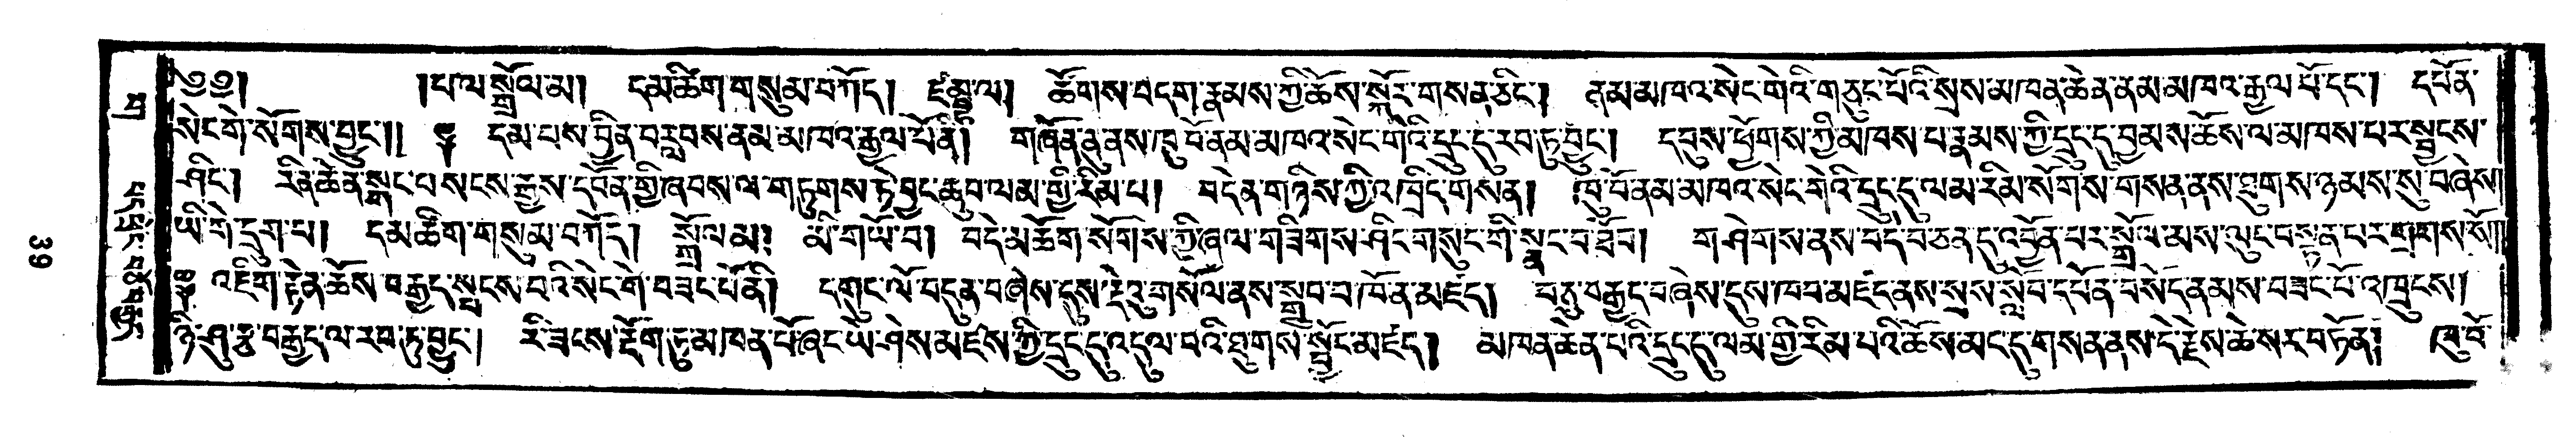༄༅། །པ་ལ་སྒྲོལ་མ། དམ་ཚིག་གསུམ་བཀོད། ཛམྦྷ་ལ། ཚོགས་བདག་རྣམས་ཀྱི་ཆོས་སྐོར་གསན་ཅིང་། ནམ་མཁའ་སེང་གེའི་གཅུང་པོའི་སྲས་མཁན་ཆེན་ནམ་མཁའ་རྒྱལ་པོ་དང་། དཔོན་
སེང་གེ་སོགས་བྱུང།། ༈ དམ་པས་བྱིན་བརླབས་ནམ་མཁའ་རྒྱལ་པོ་ནི། གཞོན་ནུ་ནས་ཁུ་བོ་ནམ་མཁའ་སེང་གེའི་དྲུང་དུ་རབ་ཏུ་བྱུང་། དབུས་ཕྱོགས་ཀྱི་མཁས་པ་རྣམས་ཀྱི་དྲུང་དུ་བྱམས་ཆོས་ལ་མཁས་པར་སྦྱངས་
ཤིང་། རིན་ཆེན་སྒང་པ་སངས་རྒྱས་དཔོན་གྱི་ཞབས་ལ་གཏུགས་ཏེ་བྱང་ཆུབ་ལམ་གྱི་རིམ་པ། བདེན་གཉིས་ཀྱི་འཁྲིད་གསན། ཁུ་བོ་ནམ་མཁའ་སེང་གེའི་དྲུང་དུ་ལམ་རིམ་སོགས་གསན་ནས་ཐུགས་ཉམས་སུ་བཞེས་
ཡི་གེ་དྲུག་པ། དམ་ཚིག་གསུམ་བཀོད། སྒྲོལ་མ། མི་གཡོ་བ། བདེ་མཆོག་སོགས་ཀྱི་ཞལ་གཟིགས་ཤིང་གསུང་གི་སྣང་བ་ཐོབ། གཤེགས་ནས་བདེ་བ་ཅན་དུ་འབྱོན་པར་སྒྲོལ་མས་ལུང་བསྟན་པར་གྲགས་སོ།།
༈ འཇིག་རྟེན་ཆོས་བརྒྱད་སྤངས་པའི་སེང་གེ་བཟང་པོ་ནི། དགུང་ལོ་བདུན་བཞེས་དུས་རྡེའུ་གསོལ་ནས་སྒྲུབ་པ་ཁོ་ན་མཛད། བཅུ་བརྒྱད་བཞེས་དུས་ཁབ་མཛད་ནས་སྲས་སློབ་དཔོན་བསོད་ནམས་བཟང་པོ་འཁྲུངས།
ཉི་ཤུ་རྩ་བརྒྱད་ལ་རབ་ཏུ་བྱུང་། རི་ཟངས་རྡོག་ཏུ་མཁན་པོ་ཞང་ཡེ་ཤེས་མཛས་ཀྱི་དྲུང་དུ་འདུལ་བའི་ཐུགས་སྦྱོང་མཛད། མཁན་ཆེན་པའི་དྲུང་དུ་ལམ་གྱི་རིམ་པའི་ཆོས་མང་དུ་གསན་ནས་དེ་རྗེས་ཆེ་སར་བཏོན། ཁུ་བོ་